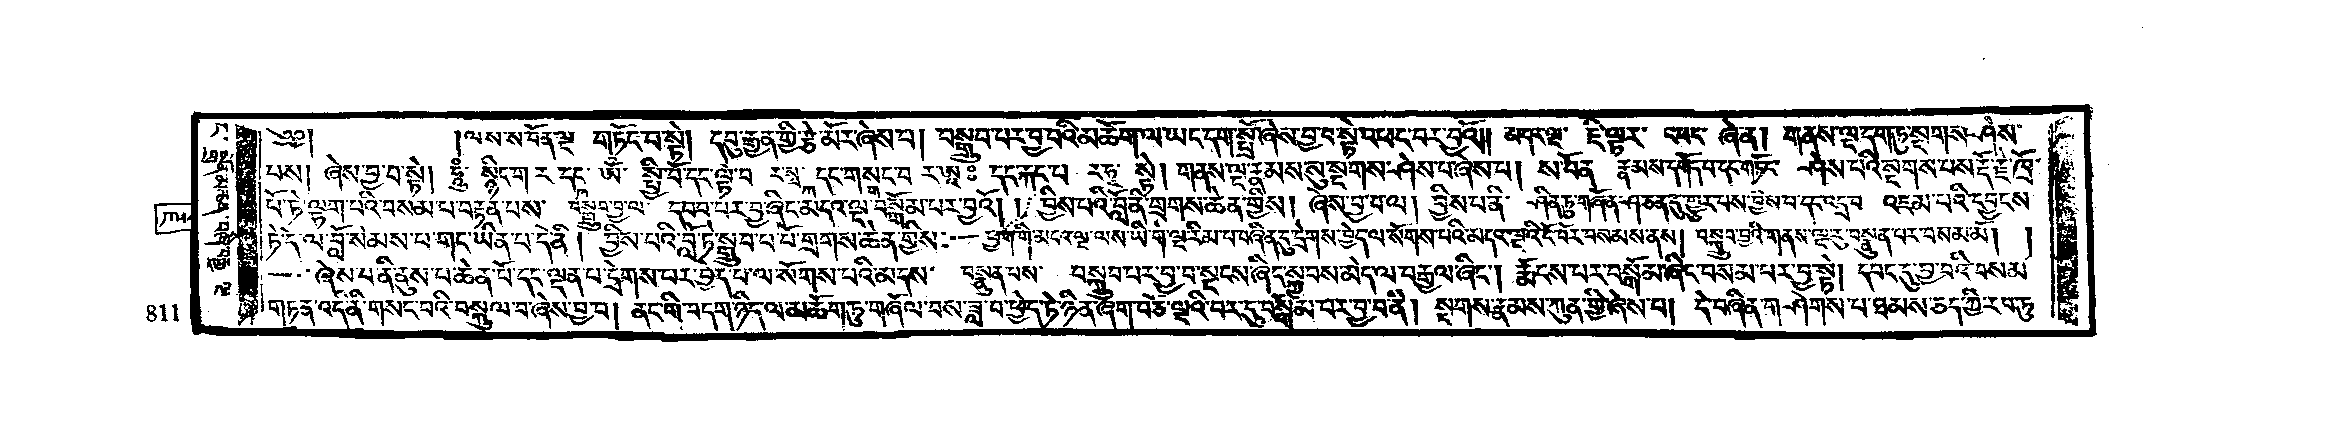༄༅། །ལས་ས་བོན་ལྔ་གཏོང་བ་སྟེ། དབུ་རྒྱན་གྱི་རྩེ་མོར་ཞེས་པ། བསྒྲུབ་པར་བྱ་བའི་མཆོག་ལ་ཡང་དག་སྤྲོ་ཞེས་བྱ་བ་སྟེ་འཕང་བར་བྱའོ། ། མདའ་ལྔ་ཇི་ལྟར་འཕང་ཞེ་ན། གནས་ལྔ་དག་ཏུ་སྔགས་ཤེས་
པས། ཞེས་བྱ་བ་སྟེ། ཧཱུཾ་སྙིང་གར་དང་ཨོཾ་སྤྱི་བོ་དང་ལྟེ་བར་སྤ་དང་གསང་བར་ཨཱཿ དང་རྐང་པ་རཧཱ་སྟེ། གནས་ལྔ་རྣམས་སུ་སྔགས་ཤེས་པ་ཞེས་པ། ས་བོན་རྣམས་དགོད་པ་དང་གཏོང་ཤེས་པའི་སྔགས་པས་རྡོ་རྗེ་ཁྲོ་
པོ་ཏེ་ལྷག་པའི་བསམ་པ་བརྟན་པས་ཀ་བསྒྲུབ་བྱ་ལ་དབབ་པར་བྱ་ཞིང་མདའ་ལྔ་བསྒོམ་པར་བྱའོ། །བྱིས་པའི་བློ་ནི་གྲགས་ཆེན་གྱིས། །ཞེས་བྱ་བ་ལ། བྱིས་པ་ནི་ཤིན་ཏུ་གཞོན་ཤ་ཅན་དུ་གྱུར་པས་བྱིས་པ་དང་འདྲ་བ་འཇམ་པའི་དབྱངས་
ཏེ་དེ་ལ་བློ་སེམས་པ་གང་ཡིན་པ་དེ་ནི། བྱིས་པའི་བློ་ཏེ་སྒྲུབ་པ་པོ་གྲགས་ཆེན་གྱིསཿ་ཕྱག་གི་མངའ་ལྔ་ལས་ཡི་གེ་ལྔ་རིམ་པ་བཞིན་དུ་དྲེགས་བྱེད་ལ་སོགས་པའི་མདའ་ལྔའི་ངོ་བོར་བསམས་ནས། བསྒྲུབ་བྱའི་གནས་ལྔ་རུ་བསྣུན་པར་བསམ་མོ། །
.H ཞེས་པ་ནི་ནུས་པ་ཆེན་པོ་དང་ལྡན་པ་དྲེགས་པར་བྱེད་པ་ལ་སོགས་པའི་མདས་བསྣུན་པས་བསྒྲུབ་པར་བྱ་བ་སྡངས་ཞིང་སྐྱབས་མེད་ལ་བརྒྱལ་ཞིང་། རྨོངས་པར་བསྒོམ་ཞིང་བསམ་པར་བྱ་སྟེ། དབང་དུ་བྱ་བའི་བསམ་
གཏན་འདི་ནི་གསང་བའི་བསྐུལ་བ་ཞེས་བྱ་བ། ནང་གི་བདག་ཉིད་ལ་མཆོག་ཏུ་གཞོལ་བས་ཟླ་བ་ཕྱེད་ཏེ་ཉིན་ཞག་བཅོ་ལྔའི་བར་དུ་བསྒོམ་པར་བྱ་བ་ནི། སྔགས་རྣམས་ཀུན་གྱི་ཞེས་པ། དེ་བཞིན་གཤེགས་པ་ཐམས་ཅད་ཀྱི་རབ་ཏུ་